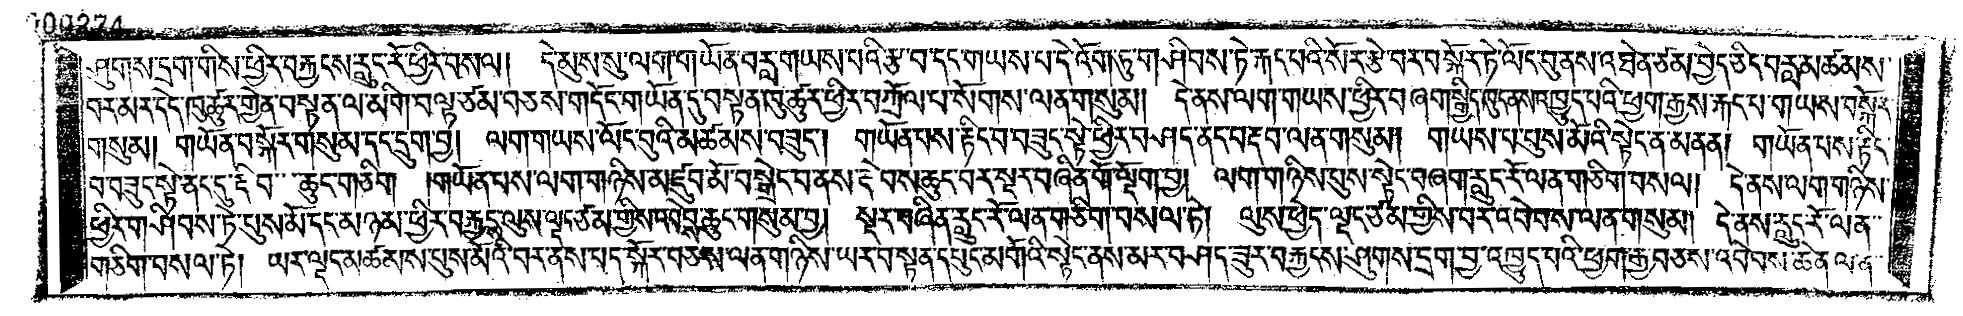ཤུགས་དྲག་གིས་ཕྱིར་བརྐྱངས་རླུང་རོ་ཕྱིར་བསལ། དེ་མུས་སུ་ལག་གཡོན་བརླ་གཡས་པའི་རྩ་བ་དང་གཡས་པ་དེ་འོག་ཏུ་གཤིབས་ཏེ་རྐང་པའི་སོར་རྩེ་བར་བསྐོར་ཏེ་ལོང་བུ་ནས་འཐེན་ཙམ་བྱེད་ཅིང་བརླ་མཚམས་
བར་མར་དེད་ཁུ་ཚུར་གྱེན་བསྟན་ལ་མིག་བལྟ་ཙམ་བཅས་གདོང་གཡོན་དུ་བསྟན་ཁུ་ཚུར་ཕྱིར་བཀྲོལ་པ་སོགས་ལན་གསུམ། དེ་ནས་ལག་གཡས་ཕྱིར་བཞག་སྒྱིད་ཁུང་ནས་འཁྱུད་པའི་ཕྱག་རྒྱས་རྐང་པ་གཡས་བསྐོར་
གསུམ༑ གཡོན་བསྐོར་གསུམ་དང་དྲུག་བྱ། ལག་གཡས་ལོང་བུའི་མཚམས་བཟུང་། གཡོན་པས་རྟིང་བ་བཟུང་སྟེ་ཕྱིར་བཤད་ནང་བརྡབ་ལན་གསུམ། གཡས་པ་པུས་མོའི་སྟེང་ན་མནན། གཡོན་པས་རྟིང་
བ་བཟུང་སྟེ་ནང་དུ་རྡིབ་?་ཆུང་གཅིག །གཡོན་པས་ལག་གཉིས་མཛུབ་མོ་བསྒྲེང་བ་ནས་རྡེབས་ཆུང་བར་སྔར་བཞིན་གོ་ལྡོག་བྱ། ལག་གཉིས་པུས་སྟེང་བཞག་རླུང་རོ་ལན་གཅིག་བསལ། དེ་ནས་ལག་གཉིས་
ཕྱིར་གཤིབས་ཏེ་པུས་མོ་དང་མཉམ་ཕྱིར་བརྐྱངས་ལུས་ལྡང་ཙམ་གྱིས་འབེབས་ཆུང་གསུམ་བྱ། སྔར་བཞིན་རླུང་རོ་ལན་གཅིག་བསལ་ཏེ། ལུས་ཕྱེད་ལྡང་ཙམ་གྱིས་བར་འབེབས་ལན་གསུམ། དེ་ནས་རླུང་རོ་ལན་
གཅིག་བསལ་ཏེ། ཡར་ལྡང་མཚམས་པུས་མོའི་བར་ནས་པད་སྐོར་བཅས་ལན་གཉིས་ཡར་བསྟན་དཔུང་མགོའི་སྟེང་ནས་མར་བཤད་ཟུར་བརྐྱངས་ཤུགས་དྲག་བྱ་འཁྱུད་པའི་ཕྱག་རྒྱ་བཅས་འབེབས་ཆེན་ལན་